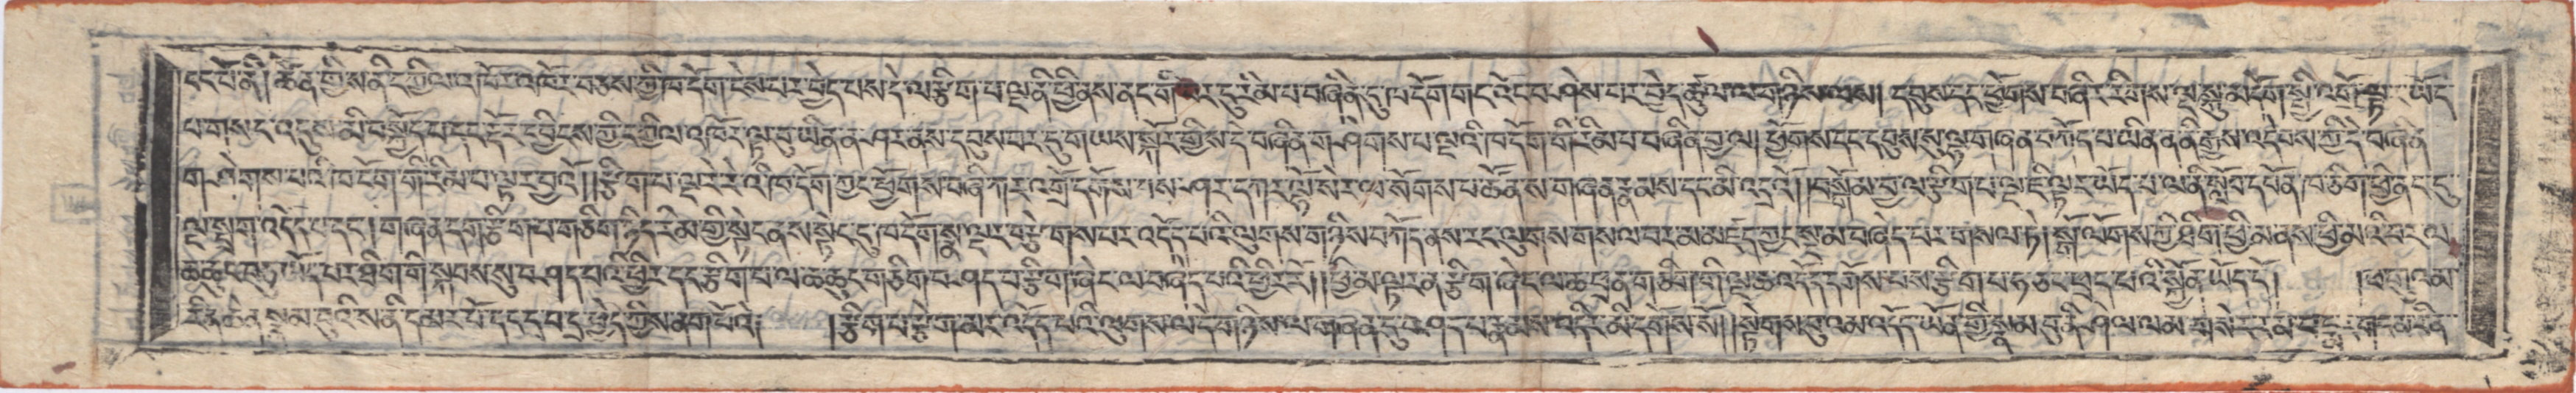དང་པོ་ནི། ཚོན་གྱིས་ནི་དཀྱིལ་འཁོར་འཁོར་བཅས་ཀྱི་ཁ་དོག་ངེས་པར་བྱེད་པས་དེ་ལ་རྩིག་པ་ལྔ་ནི་ཕྱི་ནས་ནང་གི་བར་དུ་རིམ་པ་བཞིན་དུ་ཁ་དོག་གང་འོང་བ་ཤེས་པར་བྱེད་ཚུལ་ལ་གཉིས་ལས། དབུས་དང་ཕྱོགས་བཞིར་རིགས་ལྔ་སྐུ་མདོག་སྤྱི་འགྲོ་ལྟར་ཡོད་
པ་གསང་འདུས་མི་བསྐྱོད་པ་དང་རྡོར་དབྱིངས་ཀྱི་དཀྱིལ་འཁོར་ལྟ་བུ་ཡིན་ན་ཤར་ནས་དབུས་བར་དུ་གཡས་སྐོར་གྱིས་དེ་བཞིན་གཤེགས་པ་ལྔའི་ཁ་དོག་གི་རིམ་པ་བཞིན་བྱ་ལ། ཕྱོགས་དང་དབུས་སུ་ལྷ་གཞན་བཀོད་པ་ཡིན་ན་ནི་རྒྱས་འདེབས་ཀྱི་དེ་བཞིན་
གཤེགས་པའི་ཁ་དོག་གི་རིམ་པ་ལྟར་བྱའོ། །རྩིག་པ་ལྔ་རེ་རེའི་ཁ་དོག་ཀྱང་ཕྱོགས་བཞི་ཀར་འགྲོ་དགོས་པས་ཤར་དཀར་ལྷོ་སེར་ལ་སོགས་པ་ཚོན་ས་གཞན་རྣམས་དང་མི་འདྲའོ། །བསྒོམ་བྱ་ལ་རྩིག་པ་ལྔ་ཇི་ལྟར་ཡོད་པ་ལ་ནི་སློབ་དཔོན་ཁ་ཅིག་ཕྱི་ནང་དུ་
ལྔ་སྦྲང་འདོད་པ་དང་། གཞན་དག་རྩིག་པ་གཅིག་ཉིད་རིམ་གྱི་སྟེང་ནས་སྟེང་དུ་ཁ་དོག་སྣ་ལྔར་བརྩེགས་པར་འདོད་པའི་ལུགས་གཉིས་བཀོད་ནས་རང་ལུགས་གསལ་བར་མ་མཛད་ཀྱང་སྔ་མ་བཞེད་པར་གསལ་ཏེ། སྒོ་ལོགས་ཀྱི་ཐིག་ཕྱི་མ་ནས་ཕྱི་མའི་བར་ལ་
ཆ་ཆུང་བཅུ་ཡོད་པར་ཐིག་གི་སྐབས་སུ་བཤད་པའི་ཕྱིར་དང་རྩིག་པ་ལ་ཆ་ཆུང་གཅིག་བཤད་པ་རྩིག་ཞེང་ལ་བཞེད་པའི་ཕྱིར་རོ། །ཕྱི་མ་ལྟར་ན་རྩིག་ཞེང་ལ་ཆ་ཕྲན་གཅིག་གི་ལྔ་ཆ་འདོད་དགོས་པས་རྩིག་པ་ཧ་ཅང་ཕྲད་པའི་སྐྱོན་ཡོད་དོ། །ཕ་གུའམ་
རིན་ཆེན་སྣམ་བུའི་ས་ནི་དམར་པོ་དང་དབང་ཕྱེད་ཀྱིས་ནག་པོའོ། །རྩིག་པ་རྩེག་མར་འདོད་པའི་ལུགས་ལ་དེ་གཉིས་ལ་གཞན་དུ་བཤད་པ་རྣམས་འདིར་མི་དགོས་སོ། །སྟེགས་བུའམ་འདོད་ཡོན་གྱི་སྣམ་བུ་ནི་ཤེལ་ལམ་གསེར་རམ་པདམ་ར་གའམ་རིན་